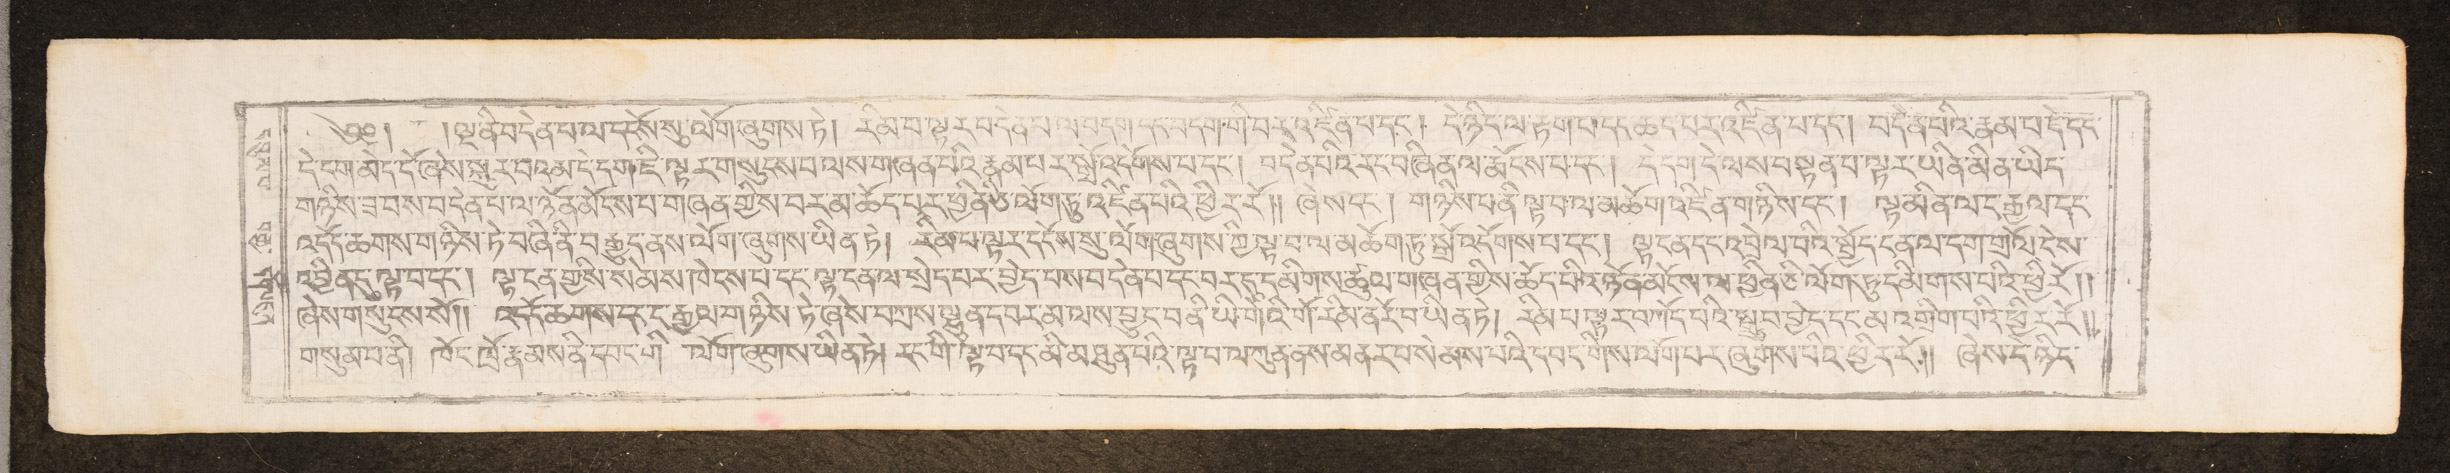༄༅། །ལྔ་ནི་བདེན་པ་ལ་དངོས་སུ་ལོག་ཞུགས་ཏེ། རིམ་པ་ལྟར་བདེན་པ་ལ་བདག་དང་བདག་གི་བར་འཛིན་པ་དང་། དེ་ཉིད་ལ་རྟག་པ་དང་ཆད་པར་འཛིན་པ་དང་། བདེན་པའི་རྣམ་པ་དེ་དང་
དེ་དག་མེད་དོ་ཞེས་སྐུར་བའམ་དེ་དག་ཇི་ལྟར་གསུངས་པ་ལས་གཞན་པའི་རྣམ་པར་སྒྲོ་འདོགས་པ་དང་། བདེན་པའི་རང་བཞིན་ལ་རྨོངས་པ་དང་། དེ་དག་དེ་ལས་བསྟན་པ་ལྟར་ཡིན་མིན་ཡིད་
གཉིས་ཟ་བས་བདེན་པ་ལ་ཉོན་མོངས་པ་གཞན་གྱིས་བར་མཆོད་པར་ཕྱིན་ཅི་ལོག་ཏུ་འཛིན་པའི་ཕྱིར་རོ།། ཞེས་དང་། གཉིས་པ་ནི་ལྟ་བ་ལ་མཆོག་འཛིན་གཉིས་དང་། ལྟ་མིན་ལ་ང་རྒྱལ་དང་
འདོད་ཆགས་གཉིས་ཏེ་བཞི་ནི་བརྒྱུད་ནས་ལོག་ཞུགས་ཡིན་ཏེ། རིམ་པ་ལྟར་དངོས་སུ་ལོག་ཞུགས་ཀྱི་ལྟ་བ་ལ་མཆོག་ཏུ་སྒྲོ་འདོགས་པ་དང་། ལྟ་ངན་དང་འབྲེལ་བའི་སྤྱོད་ངན་ལ་དག་གྲོལ་ངེས་
འབྱིན་དུ་ལྟ་བ་དང་། ལྟ་ངན་གྱིས་སེམས་ཁེངས་པ་དང་ལྟ་ངན་ལ་སྲེད་པར་བྱེད་པས་བདེན་པ་དང་བར་དུ་དམིགས་ཚུལ་གཞན་གྱིས་ཆོད་པའི་ཉོན་མོངས་ལ་ཕྱིན་ཅི་ལོག་ཏུ་དམིགས་པའི་ཕྱིརོ།།
ཞེས་གསུངས་སོ།། འདོད་ཆགས་དང་ང་རྒྱལ་གཉིས་ཏེ་ཞེས་བཀྲིས་ལྷུན་དཔར་མ་ལས་བྱུང་བ་ནི་ཡི་གེའི་གོ་རིམ་ན་རོ་བ་ཡིན་ཏེ། རིམ་པ་ལྟར་བཀོད་པའི་སྒྲུབ་བྱེད་དང་མ་འགྲིག་པའི་ཕྱིར་རོ།།
གསུམ་པ་ནི། ཁོང་ཁྲོ་རྣམས་ནི་དབང་གི་ལོག་ཞུགས་ཡིན་ཏེ། རང་གི་ལྟ་བ་དང་མི་མཐུན་པའི་ལྟ་བ་ལ་ཀུན་ནས་མནར་བ་སེམས་པའི་དབང་གིས་ལོག་པར་ཞུགས་པའི་ཕྱིར་རོ།། ཞེས་དེ་ཉིད་